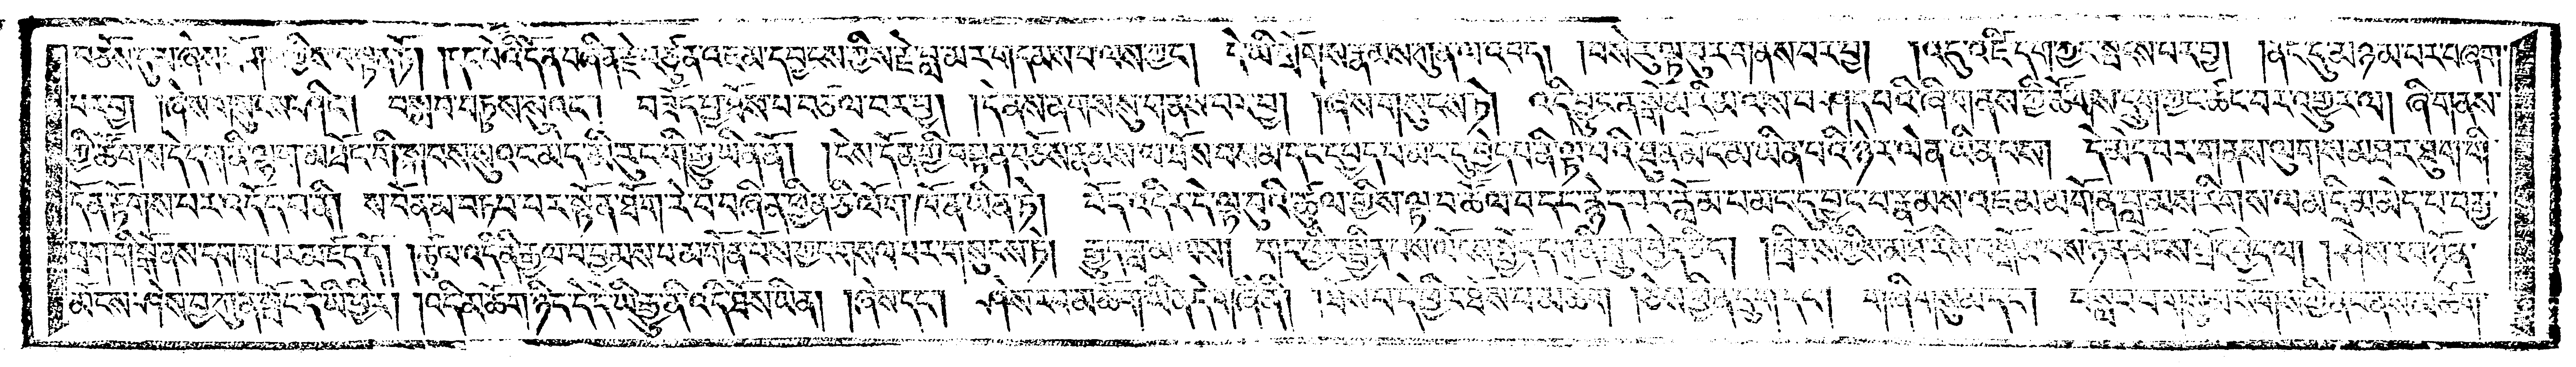བཅོས་དུ་མ་ཞེས་སོགས་ཀྱིས་བསྟན་ཏོ། །དང་པོའི་དོན་བཞིན་རྗེ་བཙུན་འཇམ་དབྱངས་ཀྱིས་རྗེ་བླ་མར་གདམས་པ་ལས་ཀྱང་། དེ་ཡི་གྲོགས་རྣམས་ཀུན་ལ་འབད། །བསེ་རུ་ལྟ་བུར་གནས་བར་བྱ། །འདུ་འཛི་དག་ཀྱང་སྤངས་པར་བྱ། །ནང་དུ་མཉམ་པར་བཞག་
པར་བྱ། །ཞེས་གསུངས་ཤིང་། བསླབ་བཏུས་སུའང་། བཟོད་བྱ་ཐོས་པ་བཙལ་བར་བྱ། །དེ་ནས་ནགས་སུ་གནས་བར་བྱ། །ཞེས་གསུངས་ཏེ། འདི་བྱུང་ན་སྒོམ་རིམ་ལས་བཤད་པའི་ཞི་གནས་ཀྱི་ཚོགས་དྲུག་ཀྱང་ཚང་བར་འགྱུར་ལ། ཞི་གནས་
ཀྱི་ཚོགས་དེ་དག་ནི་ལྷག་མཐོང་གི་སྐབས་སུའང་མི་རུང་གི་རྒྱུ་ཡིན་ནོ། །ངེས་དོན་གྱི་བསྟན་བཅོས་རྣམས་ལ་ཐོས་བསམ་དང་དཔྱད་པ་མང་དུ་བྱེད་བ་ནི་ལྟ་བའི་ཐུན་མོང་མ་ཡིན་པའི་ཉེར་ལེན་ཡིན་པས། དེ་མེད་པར་གནས་ལུགས་མཐར་ཐུག་གི་
དོན་རྟོགས་པར་འདོད་པ་ནི། ས་བོན་མ་བཏབ་བར་སྟོན་ཐོག་ར་བ་བཞིན་ཕྱིན་ཅི་ལོག་ཁོ་ན་ཡིན་ཏེ། བོད་འདིར་དེ་ལྟ་བུའི་ཚུལ་གྱིས་ལྟ་བ་ཚོལ་པ་དང་རྙེད་པར་རློམ་པ་མང་དུ་བྱུང་བ་རྣམས་འཇམ་མགོན་བླ་མས་རིགས་ལམ་དྲི་མ་མེད་པ་བརྒྱ་
ཕྲག་གི་སྒོ་ནས་དགག་བར་མཛད་དོ། །ཚུལ་འདི་ནི་རྒྱལ་བ་བྱམས་པ་མགོན་པོས་ཀྱང་གསལ་པར་གསུངས་ཏེ། རྒྱུད་བླ་མ་ལས། གང་ཕྱིར་སྦྱིན་པས་ལོངས་སྤྱོད་དག་ནི་སྒྲུབ་བྱེད་ཅིང་། །ཁྲིམས་ཀྱིས་མཐོ་རིས་བསྒོམ་པས་ཉོན་མོངས་སྤོང་བྱེད་ལ། །ཤེས་རབ་ཉོན་
མོངས་ཤེས་བྱ་ཀུན་སྤོང་དེ་ཡི་ཕྱིར། །འདི་མཆོག་ཉིད་དེ་དེ་ཡི་རྒྱུ་ནི་འདི་ཐོས་ཡིན། །ཞེས་དང་། ཤེས་རབ་མཆོག་ཡིན་དེ་གཞི་ནི། །ཐོས་པ་དེ་ཕྱིར་ཐོས་པ་མཆོག །ཅེས་ཕྱིན་དྲུག་དང་། གཞི་གསུམ་དང་། བསླབ་པ་གསུམ་སོགས་ཀྱི་ནང་ནས་མཆོག་